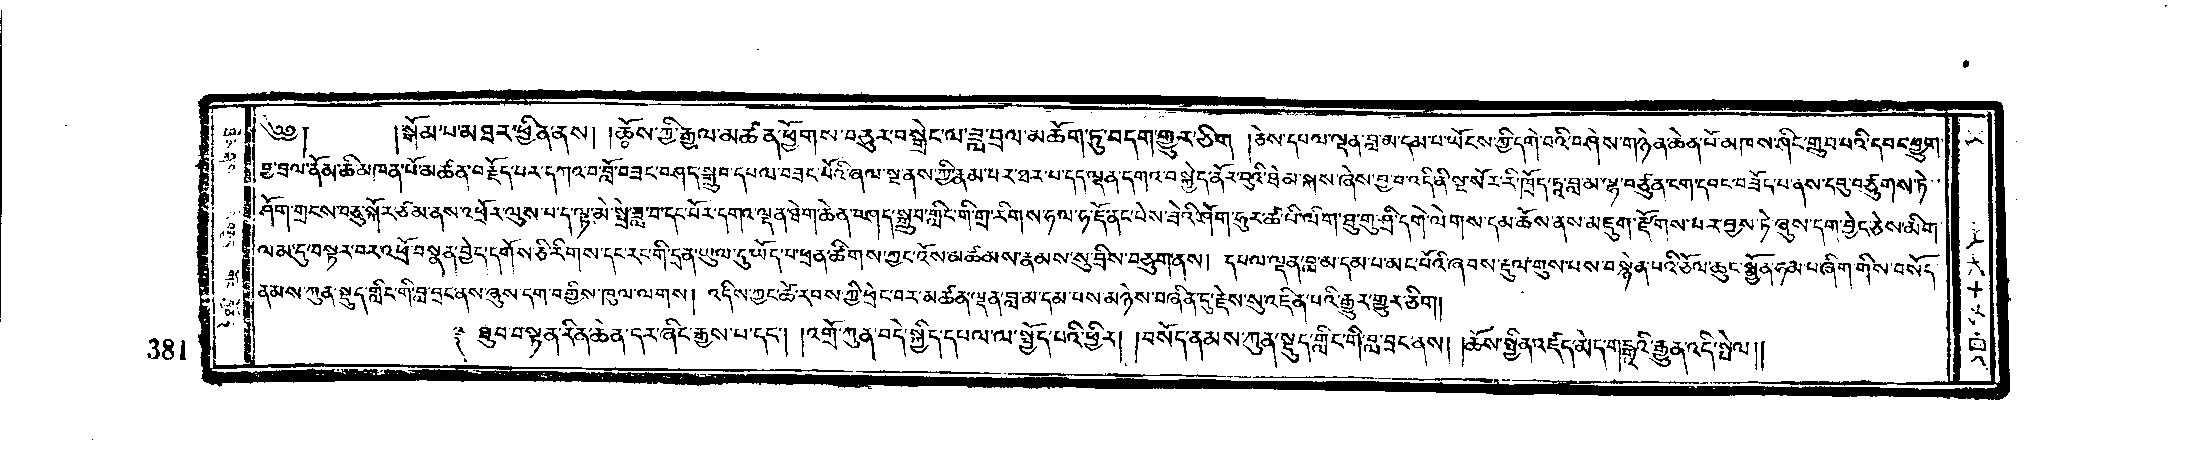༄༅། །སྒོམ་པ་མཐར་ཕྱིན་ནས། །ཆོས྾་ཀྱི་རྒྱལ་མཚན་ཕྱོགས་བཅུར་བསྒྲེང་ལ་ཟླ་བྲལ་མཆོག་ཏུ་བདག་གྱུར་ཅིག །ཅེས་དཔལ་ལྡན་བླ་མ་དམ་པ་ཡོངས་ཀྱི་དགེ་བའི་བཤེས་གཉེན་ཆེན་པོ་མཁས་ཤིང་གྲུབ་པའི་དབང་ཕྱུག་
བྱ་བྲལ་ནོམ་ཆི་མཁན་པོ་མཚན་བརྗོད་པར་དཀའ་བ་བློ་བཟང་བཤད་སྒྲུབ་དཔལ་བཟང་པོའི་ཞལ་སྔ་ནས་ཀྱི་རྣམ་པར་ཐར་པ་དད་ལྡན་དགའ་བསྐྱེད་ནོར་བུའི་ཐེམ་སྐས་ཞེས་བྱ་བ་འདི་ནི་སྔ་སོར་རི་ཁྲོད་ཏཱ་བླ་མ་ལྷ་བཙུན་ངག་དབང་བཟོད་པ་ནས་དབུ་བཙུགས་ཏེ་
ཤོག་གྲངས་བཅུ་སྐོར་ཙམ་ནས་འཕྲོར་ལུས་པ་ད་ལྟ་མེ་སྤྲེ་ཟླ་བ་དང་པོར་དགའ་ལྡན་ཐེག་ཆེན་བཤད་སྒྲུབ་གླིང་གི་གྲ་རིགས་ཧལ་ཧ་ཇོ་ནང་པེས་ཟེའི་ཤོག་ཧུར་ཚ་པི་ལིག་ཐུ་གུ་ཤྲི་དགེ་ལེགས་དམ་ཆོས་ནས་མཇུག་རྫོགས་པར་བྱས་ཏེ་ཞུས་དག་བྱེད་ཅེས་མིག་
ལམ་དུ་བསྟར་བར་འཕྲོ་བསྣན་བྱེད་དགོས་ཅི་རིགས་དང་རང་གི་དྲན་ཡུལ་དུ་ཡོད་པ་ཕྲན་ཚིགས་ཀྱང་འོས་མཚམས་རྣམས་སུ་བྲིས་བཅུག་ནས། དཔལ་ལྡན་བླ་མ་དམ་པ་མང་པོའི་ཞབས་རྡུལ་གུས་པས་བསྙེན་པའི་ཅོལ་ཆུང་སྨྱོན་ཧམ་པ་ཞིག་གིས་བསོད་
ནམས་ཀུན་སྡུད་གླིང་གི་བླ་བྲང་ནས་ཞུས་དག་བགྱིས་ཁུལ་ལགས། འདིས་ཀྱང་ཚེ་རབས་ཀྱི་ཕྲེང་བར་མཚན་ལྡན་བླ་མ་དམ་པས་མཉེས་བཞིན་དུ་རྗེས་སུ་འཛིན་པའི་རྒྱུར་གྱུར་ཅིག།
༈ ཐུབ་བསྟན་རིན་ཆེན་དར་ཞིང་རྒྱས་པ་དང་། །འགྲོ་ཀུན་བདེ་སྐྱིད་དཔལ་ལ་སྤྱོད་པའི་ཕྱིར། །བསོད་ནམས་ཀུན་སྡུད་གླིང་གི་བླ་བྲང་ནས། །ཆོས་སྤྱིན་འཛད་མེད་གངྒཱའི་རྒྱུན་འདི་སྤེལ།།